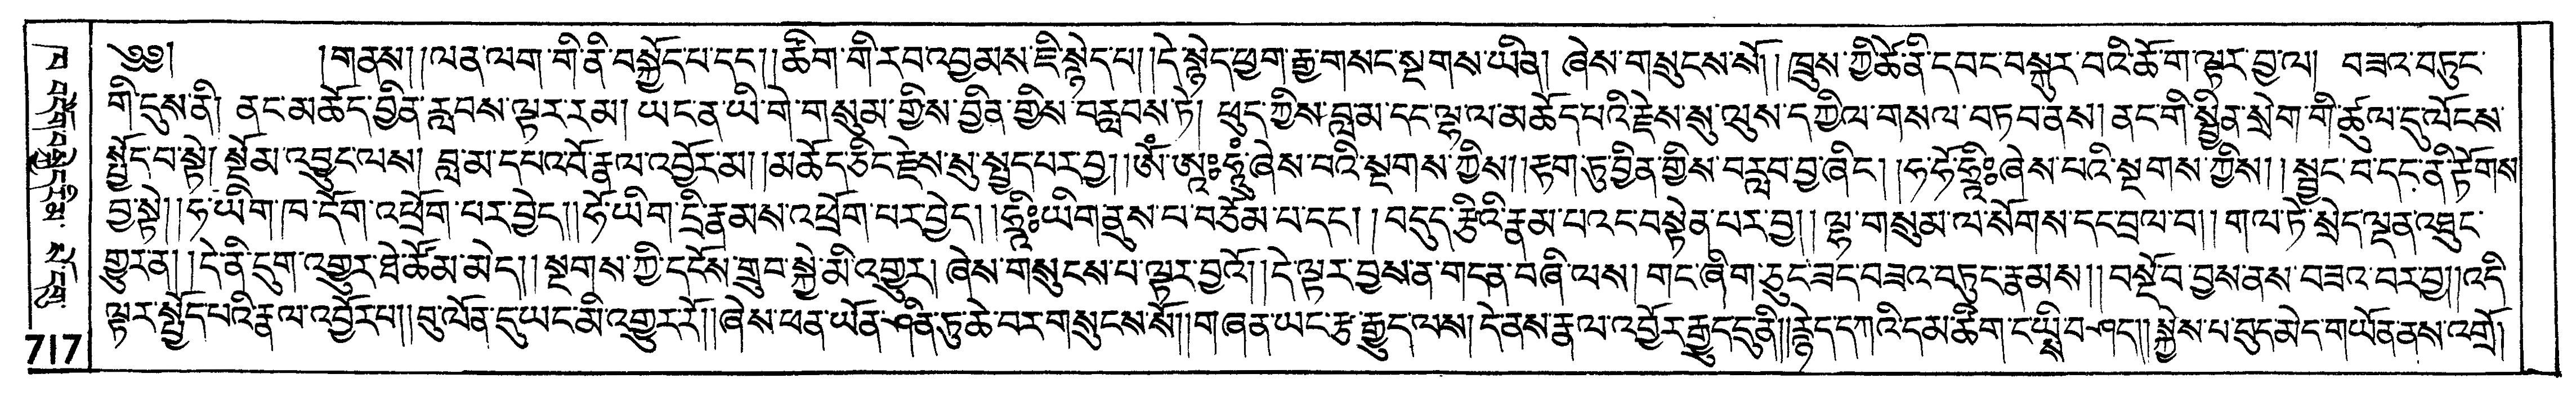༄༅། །གནས། །ལན་ལག་གི་ནི་བསྐྱོད་པ་དང་། །ཚིག་གི་རབ་འབྱམས་ཇི་སྙེད་པ། །དེ་སྙེད་ཕྱག་རྒྱ་གསང་སྔགས་ཡིན། ཞེས་གསུངས་སོ། །ཁྲུས་ཀྱི་ཚེ་ནི་དབང་བསྐུར་བའི་ཆོ་ག་ལྟར་བྱ་ལ། བཟའ་བཏུང་
གི་དུས་ནི། ནང་མཆོད་བྱིན་རླབས་ལྟར་རམ། ཡང་ན་ཡི་གེ་གསུམ་གྱིས་བྱིན་གྱིས་བརླབས་ཏེ། ཕུད་ཀྱིས་བླ་མ་དང་ལྷ་ལ་མཆོད་པའི་རྗེས་སུ་ལུས་དཀྱིལ་གསལ་བཏབ་ནས། ནང་གི་སྦྱིན་སྲེག་གི་ཚུལ་དུ་ལོངས་
སྤྱོད་པ་སྟེ། སྡོམ་འབྱུང་ལས། བླ་མ་དཔའ་བོ་རྣལ་འབྱོར་མ། །མཆོད་ཅིང་རྗེས་སུ་སྤྱད་པར་བྱ། །ཨོཾ་ཨཱཿ ཧཱུཾ་ཞེས་པའི་སྔགས་ཀྱིས། །རྟག་ཏུ་བྱིན་གྱིས་བརླབ་བྱ་ཞིང་། །ཧ་ཧོ་ཧྲཱིཿ ཞེས་པའི་སྔགས་ཀྱིས། །སྦྱང་བ་དང་ནི་རྟོགས་
བྱ་སྟེ། །ཧ་ཡིག་ཁ་དོག་འཕྲོག་པར་བྱེད། །ཧོ་ཡིག་དྲི་རྣམས་འཕྲོག་པར་བྱེད། །ཧྲཱིཿ ཡིག་ནུས་པ་བཅོམ་པ་དང་། །བདུད་རྩིའི་རྣམ་པའང་བསྟེན་པར་བྱ། །ལྷ་གསུམ་ལ་སོགས་དང་བྲལ་བ། །གལ་ཏེ་སྲེད་ལྡན་འཐུང་
གྱུར་ན། །དེ་ནི་དུག་འགྱུར་ཐེ་ཚོམ་མེད། །སྔགས་ཀྱི་དངོས་གྲུབ་སྐྱེ་མི་འགྱུར། ཞེས་གསུངས་པ་ལྟར་བྱའོ། །དེ་ལྟར་བྱས་ན་གདན་བཞི་ལས། གང་ཞིག་ཅུང་ཟད་བཟའ་བཏུང་རྣམས། །བསྔོ་བ་བྱས་ནས་བཟའ་བར་བྱ། །འདི་
ལྟར་སྤྱོད་པའི་རྣལ་འབྱོར་པ། །བུ་ལོན་དུ་ཡང་མི་འགྱུར་རོ། །ཞེས་ཕན་ཡོན་ཤིན་ཏུ་ཆེ་བར་གསུངས་སོ། །གཞན་ཡང་རྩ་རྒྱུད་ལས། དེ་ནས་རྣལ་འབྱོར་རྒྱུད་དུ་ནི། །རྙེད་དཀའི་དམ་ཚིག་ང་ཡིས་བཤད། །སྐྱེས་པ་བུད་མེད་གཡོན་ནས་འགྲོ།